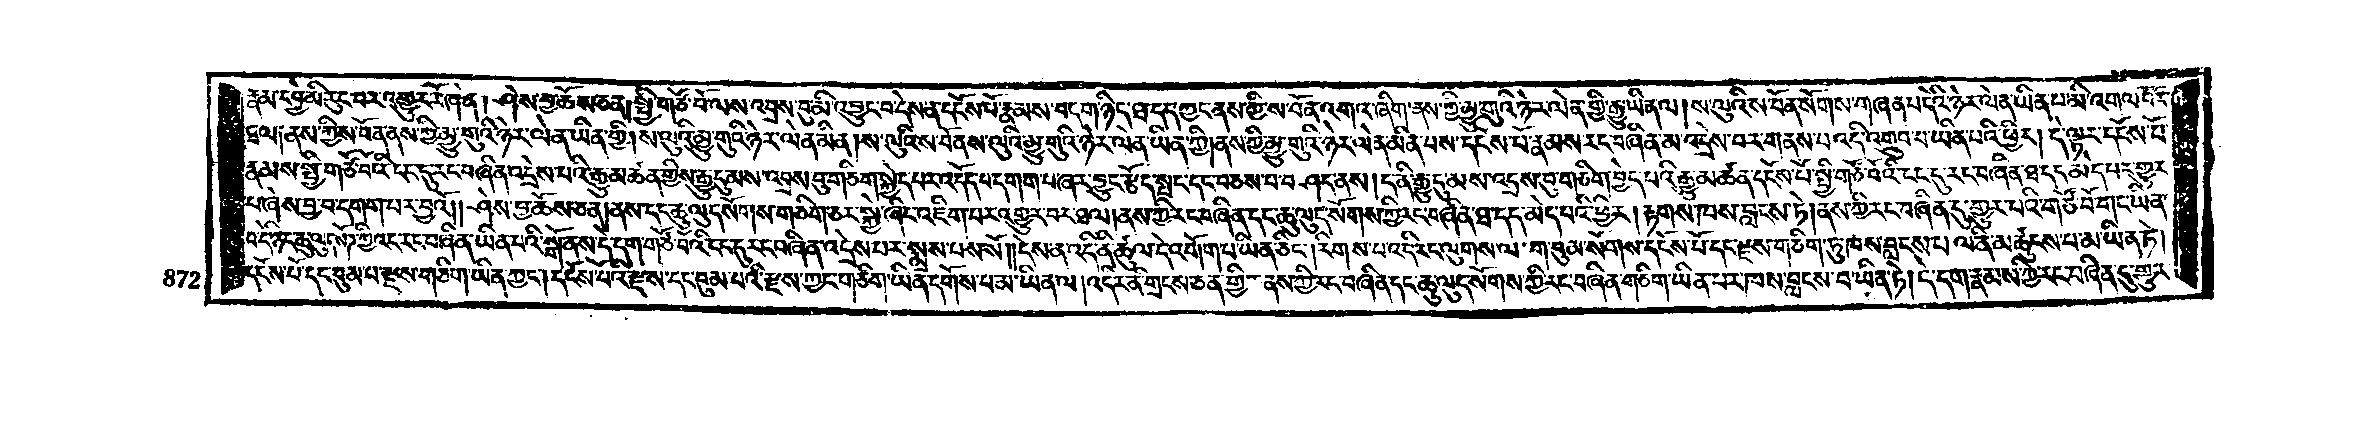རྣམ་དབྱེ་མི་རུང་བར་འགྱུར་རོ་ཞེ་ན། ཤེས་བྱ་ཆོས་ཅན། སྤྱི་གཙོ་བོ་ལས་འབྲས་བུ་མི་འབྱུང་བ་དེས་ན་དངོས་པོ་རྣམས་བདག་ཉིད་ཐ་དད་ཀྱང་ནས་ཀྱི་ས་བོན་འགའ་ཞིག་ནས་ཀྱི་མྱུ་གུའི་ཉེར་ལེན་གྱི་རྒྱུ་ཡིན་ལ། ས་ལུའི་ས་བོན་སོགས་གཞན་པ་དེའི་ཉེར་ལེན་ཡིན་པ་མི་འགལ་བར་
ཐལ༑ ནས་ཀྱི་ས་བོན་ནས་ཀྱི་མྱུ་གུའི་ཉེར་ལེན་ཡིན་གྱི། ས་ལུའི་མྱུ་གུའི་ཉེར་ལེན་མིན། ས་ལུའི་ས་བོན་ས་ལུའི་མྱུ་གུའི་ཉེར་ལེན་ཡིན་གྱི། ནས་ཀྱི་མྱུ་གུའི་ཉེར་ལེན་མིན་པས་དངོས་པོ་རྣམས་རང་བཞིན་མ་འདྲེས་བར་གནས་པ་འདི་འགྲུབ་པ་ཡིན་པའི་ཕྱིར། དེ་ལྟར་དངོས་པོ་
རྣམས་སྤྱི་གཙོ་བོའི་ངང་དུ་རྣག་བཞིན་འདྲེས་པའི་རྒྱུ་མཚན་གྱིས་རྒྱུ་དུ་མས་འབྲས་བུ་གཅིག་སྐྱེད་པར་འདོད་པ་དགག་པ་ཞར་བྱུང་རྩོད་སྤང་དང་བཅས་པ་བཤད་ནས། དེ་ནི་རྒྱུ་དུ་མས་འབྲས་བུ་གཅིག་བྱེད་པའི་རྒྱུ་མཚན་དངོས་པོ་སྤྱི་གཙོ་བོའི་ངང་དུ་རང་བཞིན་ཐ་དད་མེད་པར་གྱུར་
པ་ཞེས་བྱ་བ་དགག་པར་བྱའོ། །ཤེས་བྱ་ཆོས་ཅན། ནས་དང་ཆུ་ལུད་སོགས་གཅིག་ཅར་སྐྱེ་ཞིང་འཇུག་པར་འགྱུར་བར་ཐལ། ནས་ཀྱི་རང་བཞིན་དང་ཆུ་ལུད་སོགས་ཀྱི་རང་བཞིན་ཐ་དད་མེ་པའི་ཕྱིར། རྟགས་ཁས་བླངས་ཏེ། ནས་ཀྱི་རང་བཞིན་དུ་གྱུར་པའི་གཙོ་བོ་གང་ཡིན་
བ་དེ་ཉིད་ཆུ་ལུད་སོགས་ཀྱིའང་རང་བཞིན་ཡིན་པའི་སྒོ་ནས་དེ་དག་གཙོ་བོའི་ངང་དུ་རང་བཞིན་འདྲེས་པར་སྨྲས་པས་སོ། །དེས་ན་འདི་ནི་ཚུལ་དེ་འགོག་པ་ཡིན་ཅིང་། རིགས་པ་འདི་རང་ལུགས་ལ་ཀ་བུམ་སོགས་དངོས་པོ་དང་རྫས་གཅིག་ཏུ་ཁས་བླངས་པ་པ་ནི་མཚུངས་པ་མ་ཡིན་ཏེ།
དངོས་པོ་དང་བུམ་པ་རྫས་གཅིག་ཡིན་ཀྱང་། དངོས་པོའི་རྫས་དང་བུམ་པའི་རྫས་ཀྱང་གཅིག་ཡིན་དགོས་པ་མ་ཡིན་ལ། འདིར་ནི་གྲངས་ཅན་གྱི་ནས་ཀྱི་རང་བཞིན་དང་ཆུ་ལུད་སོགས་ཀྱི་རང་བཞིན་གཅིག་ཡིན་པར་ཁས་བླངས་བ་ཡིན་ཏེ། དེ་དག་རྣམས་ཀྱི་རང་བཞིན་དུ་གྱུར་